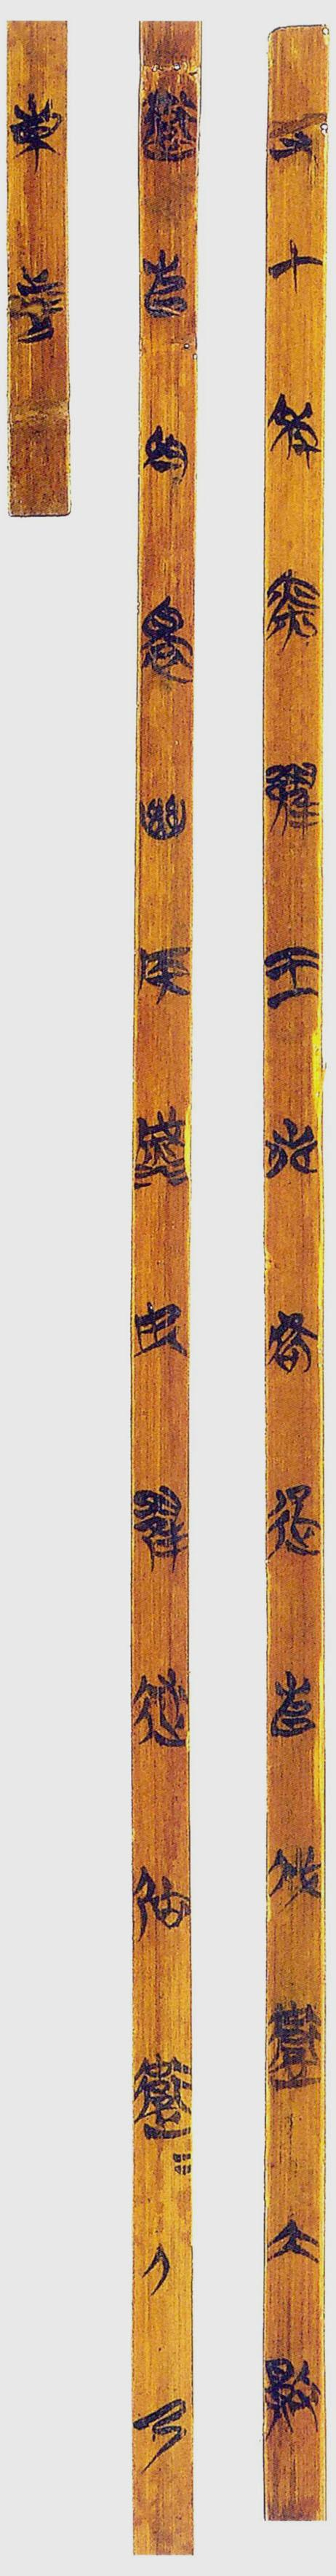又七年赤{翟阝}王峁唬起{山𡴎}伐{衛止}大敗{衛止}{山𡴎}於睘幽侯滅𡚦翟述居衛止=人乃東涉
